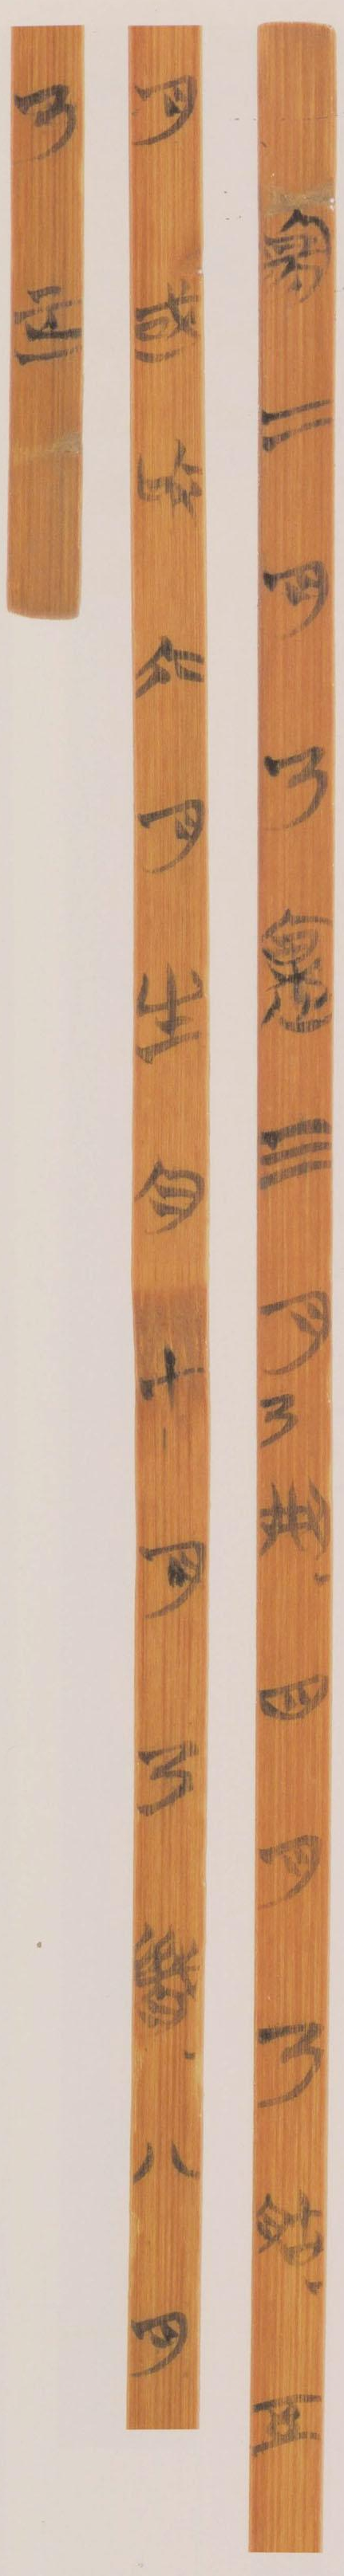{勹昜}二月乃裹三月乃刑四月乃{肉古}五月或收六月生肉七月乃{肉幾}八月乃正
